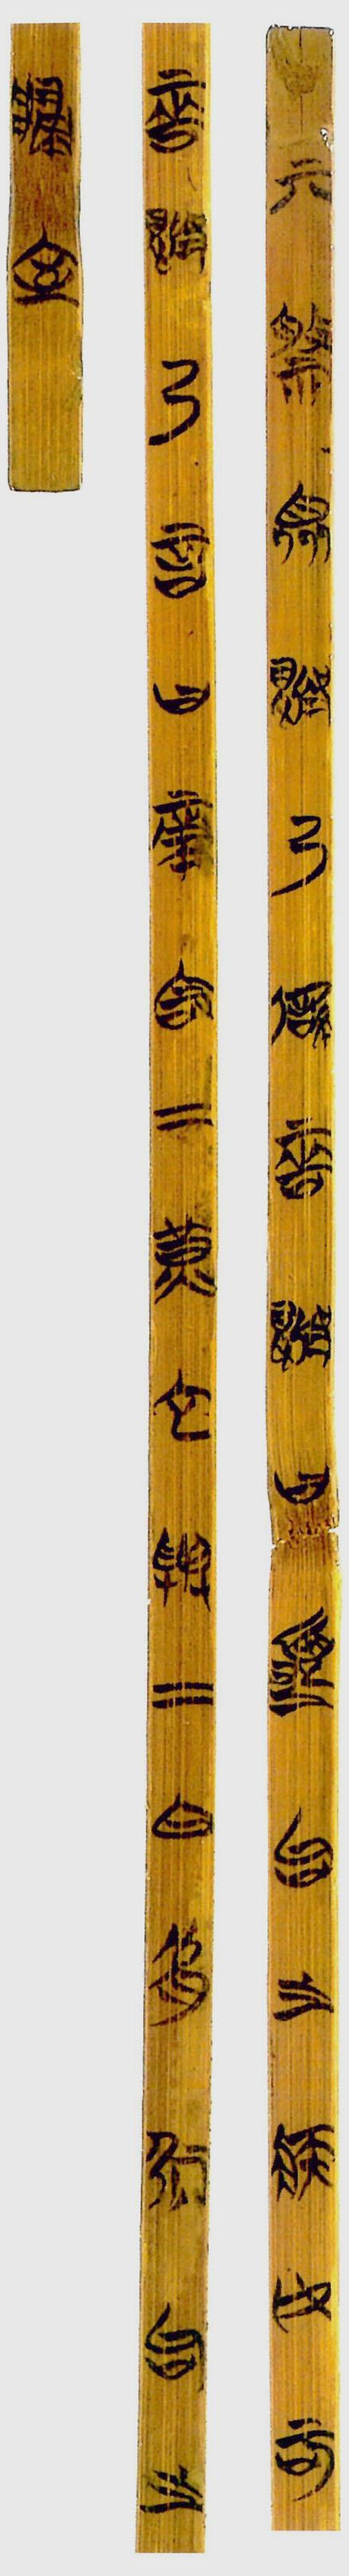亓祭眾{於鳥}（烏）乃{人言糸}{巫口}{於鳥}（烏）曰{日止頁}（夏）句之疾女可{巫口}{於鳥}（烏）乃言曰帝命二黃它與二白兔凥句之{爿帚}（寢）室
